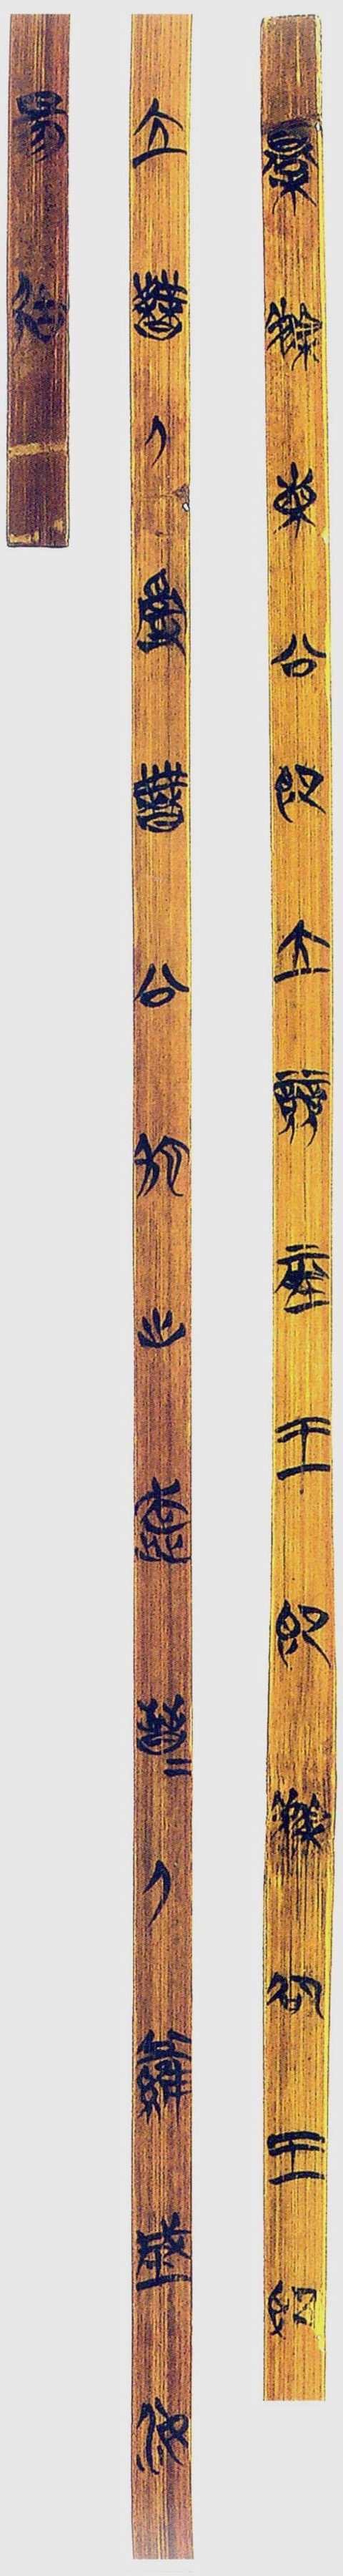{日棗}殜柬公即立競坪王即殜卲王即立{無日}人𤔔{無日}公{力它}出奔晉=人羅城汝昜居
